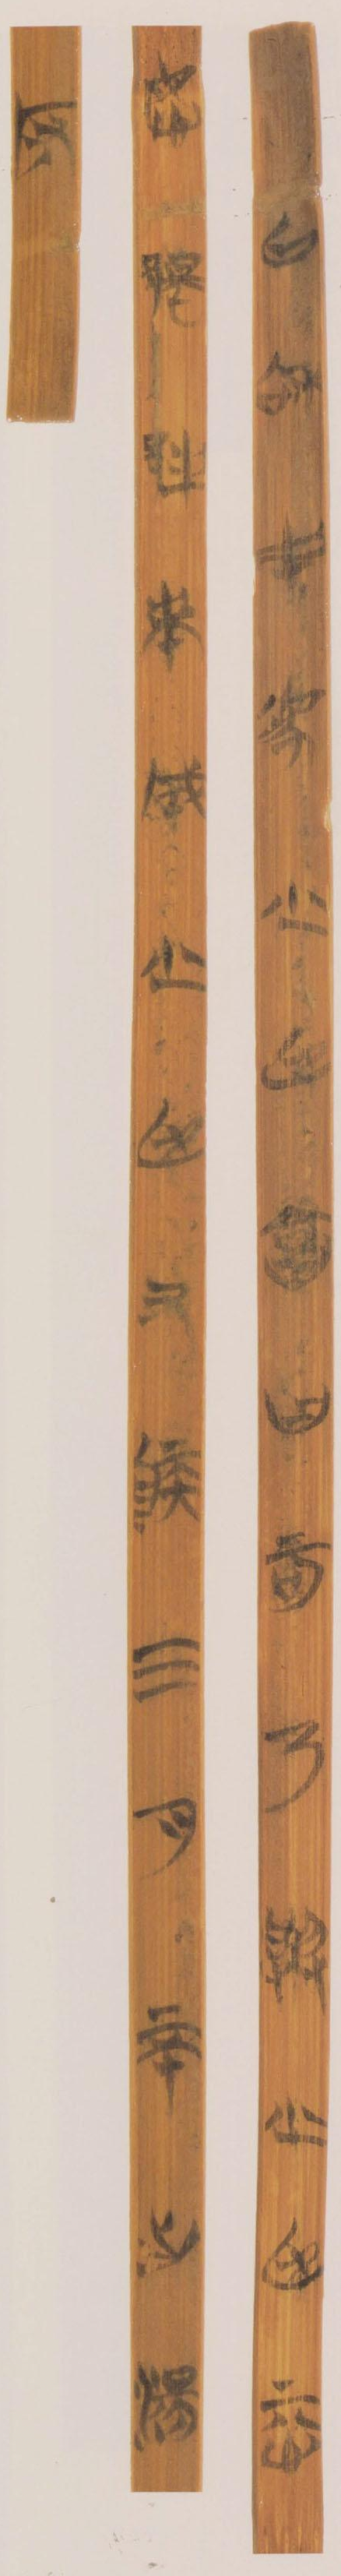㠯（以）和民虎少臣合曰可乃與少臣{亓心}{毋心}{邑日虫}邦未成少臣又疾三月不出湯反
